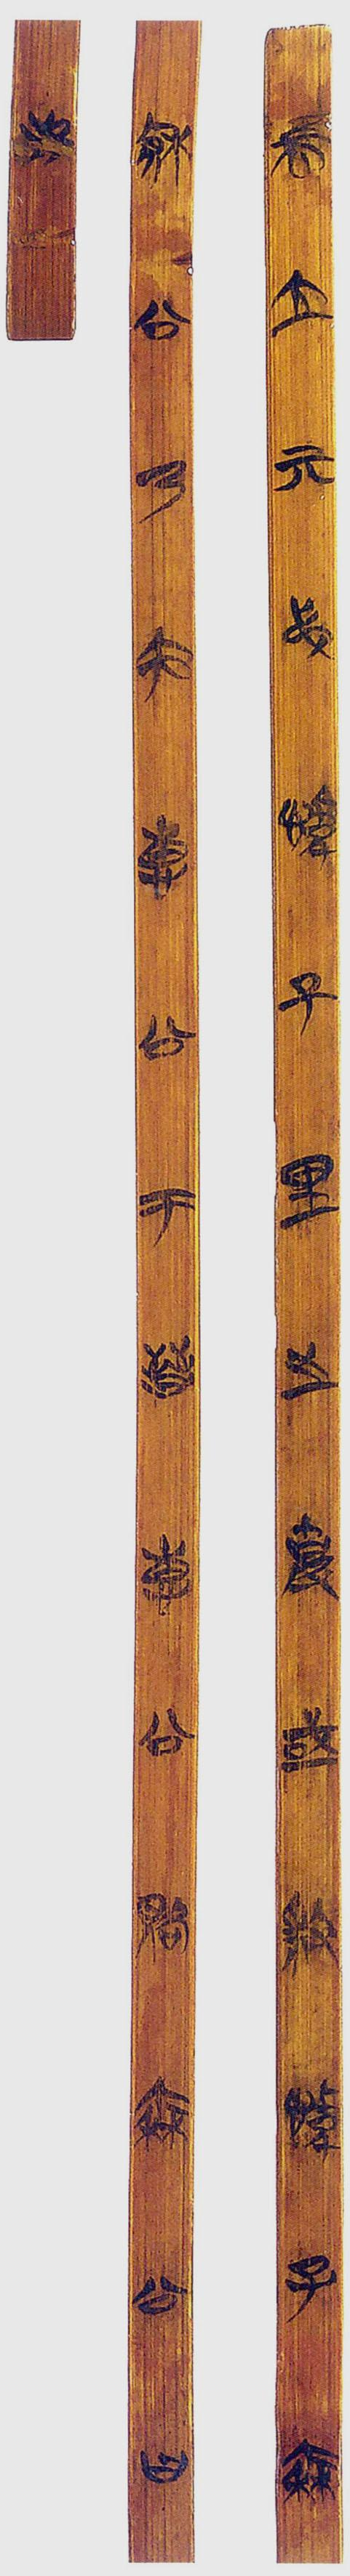而立亓弟悼子里之尅或殺悼子秦穆公乃內惠公于晉惠公賂秦公曰我
